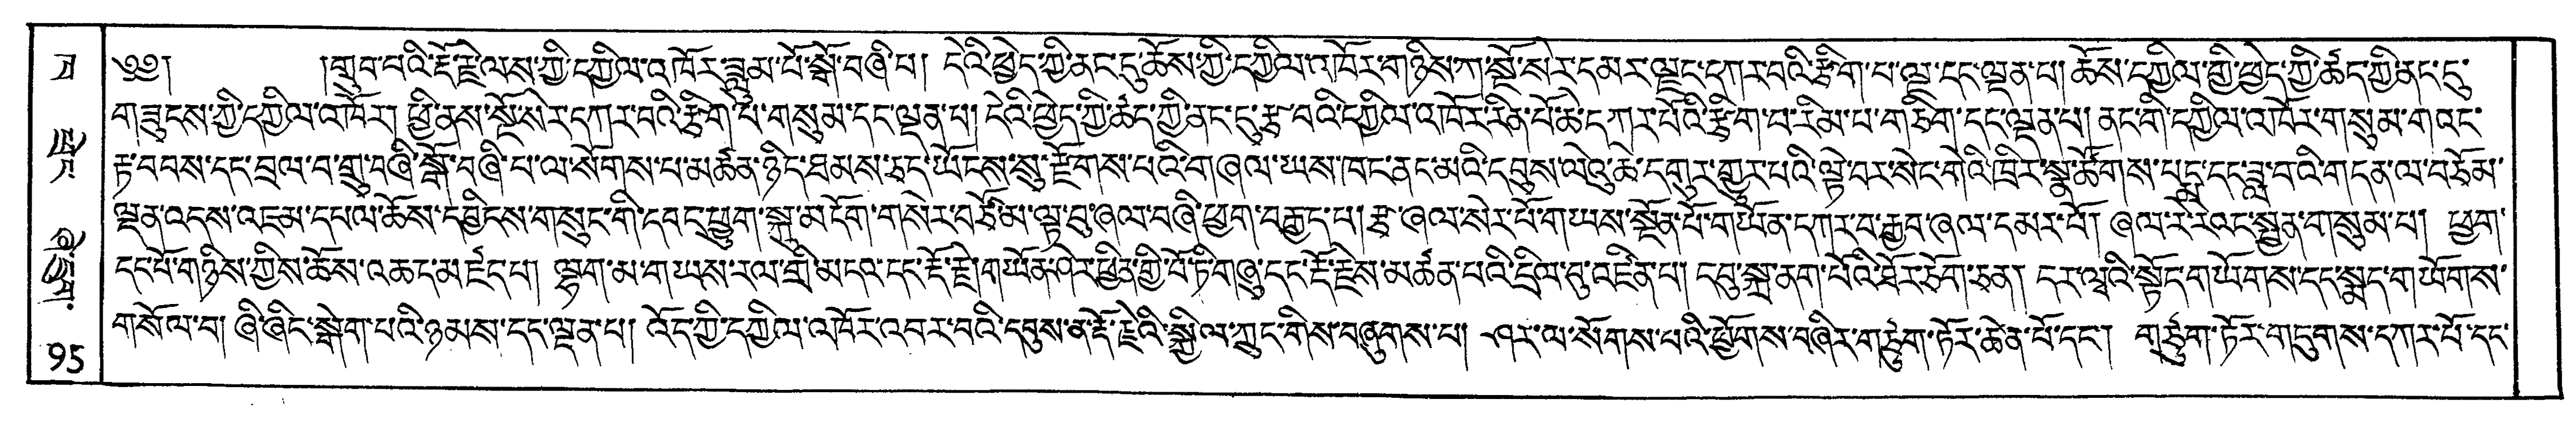༄༅། །གྲུབ་པའི་རྡོ་རྗེ་ལས་ཀྱི་དཀྱིལ་འཁོར་ཟླུམ་པོ་སྒོ་བཞི་པ། དེའི་ཕྱེད་ཀྱི་ནང་དུ་ཆོས་ཀྱི་དཀྱིལ་འཁོར་གཉིས་ཀ་སྔོ་སེར་དམར་ལྗང་དཀར་བའི་རྩིག་པ་ལྔ་དང་ལྡན་པ། ཆོས་དཀྱིལ་གྱི་ཕྱེད་ཀྱི་ཚད་ཀྱི་ནང་དུ་
གཟུངས་ཀྱི་དཀྱིལ་འཁོར། ཕྱི་ནས་སྔོ་སེར་དཀར་བའི་རྩིག་པ་གསུམ་དང་ལྡན་པ། དེའི་ཕྱེད་ཀྱི་ཚད་ཀྱི་ནང་དུ་རྩ་བའི་དཀྱིལ་འཁོར་རིན་པོ་ཆེ་དཀར་པོའི་རྩིག་པ་རིམ་པ་གཅིག་དང་ལྡན་པ། ནང་གི་དཀྱིལ་འཁོར་གསུམ་གའང་
རྟ་བབས་དང་བྲལ་བ་གྲུ་བཞི་སྒོ་བཞི་པ་ལ་སོགས་པ་མཚན་ཉིད་ཐམས་ཅད་ཡོངས་སུ་རྫོགས་པའི་གཞལ་ཡས་ཁང་ནང་མའི་དབུས་ལེའུ་ཆེ་དགུར་གྱུར་པའི་ལྟེ་བར་སེང་གེའི་ཁྲིར་སྣ་ཚོགས་པདམ་དང་ཟླ་བའི་གདན་ལ་བཅོམ་
ལྡན་འདས་འཇམ་དཔལ་ཆོས་དབྱིངས་གསུང་གི་དབང་ཕྱུག་སྐུ་མདོག་གསེར་བཙོ་མ་ལྟ་བུ་ཞལ་བཞི་ཕྱག་བརྒྱད་པ། རྩ་ཞལ་སེར་པོ་གཡས་སྔོན་པོ་གཡོན་དཀར་བ་རྒྱབ་ཞལ་དམར་པོ། ཞལ་རེ་རེའང་སྤྱན་གསུམ་པ། ཕྱག་
དང་པོ་གཉིས་ཀྱིས་ཆོས་འཆད་མཛད་པ། ལྷག་མ་གཡས་རལ་གྲི་མདའ་དང་རྡོ་རྗེ། གཡོན་ཤེར་ཕྱིན་གྱི་པོ་ཏི་གཞུ་དང་རྡོ་རྗེས་མཚན་པའི་དྲིལ་བུ་འཛིན་པ། དབུ་སྐྲ་ནག་པོའི་ཐོར་ཅོག་ཅན། དར་ལྭའི་སྟོད་གཡོགས་དང་སྨད་གཡོགས་
གསོལ་བ། ཞི་ཞིང་སྒེག་པའི་ཉམས་དང་ལྡན་པ། འོད་ཀྱི་དཀྱིལ་འཁོར་འབར་བའི་དབུས་ན་རྡོ་རྗེའི་སྐྱིལ་ཀྲུང་གིས་བཞུགས་པ། ཤར་ལ་སོགས་པའི་ཕྱོགས་བཞིར་གཙུག་ཏོར་ཆེན་པོ་དང་། གཙུག་ཏོར་གདུགས་དཀར་པོ་དང་